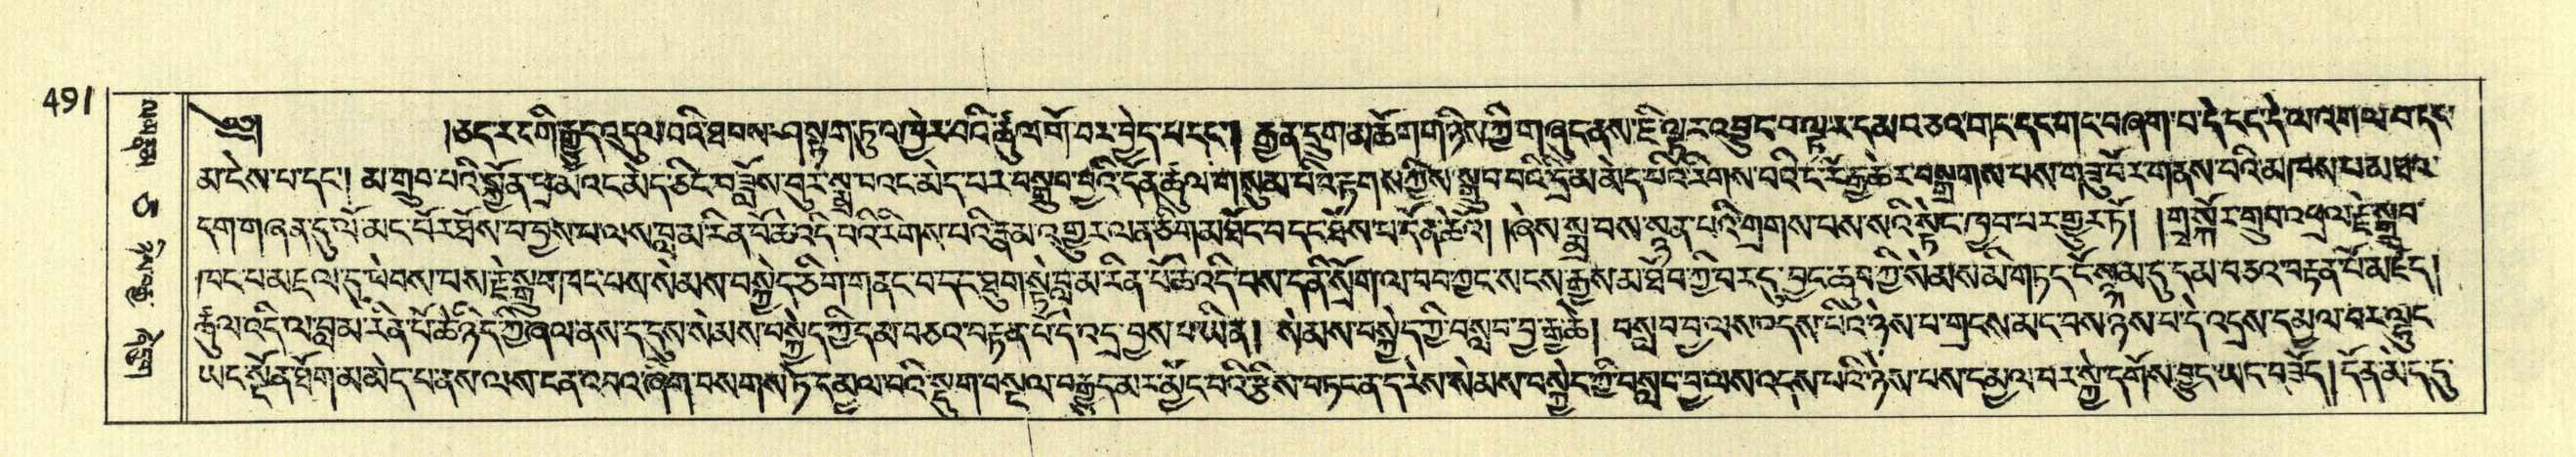༄༅། །ཅད་རང་གི་རྒྱུད་འདུལ་བའི་ཐབས་ཤ་སྟག་ཏུ་འཁྱེར་བའི་ཚུལ་གོ་བར་བྱེད་པ་དང་། རྒྱན་དྲུག་མཆོག་གཉིས་ཀྱི་གཞུང་ནས་ཇི་ལྟར་འབྱུང་བ་ལྟར་དམ་བཅའ་གང་དང་གང་བཞག་པ་དེ་དང་དེ་ལ་འགལ་བ་དང་
མ་ངེས་པ་དང་། མ་གྲུབ་པའི་སྐྱོན་ཕྲ་མོའང་མེད་ཅིང་བཟློས་བུར་སྨྲ་བའང་མེད་པར་བསྒྲུབ་བྱའི་དོན་ཚུལ་གསུམ་པའི་རྟགས་ཀྱིས་སྒྲུབ་བའི་དྲི་མ་མེད་པའི་རིགས་བའི་ང་རོ་རྒྱ་ཆེར་བསྒྲགས་པས་གཟུ་བོར་གནས་པའི་མཁས་པ་མཐའ་
དག་གཞན་དུ་ལོ་མང་པོར་ཐོས་པ་བྱས་པ་ལས་བླ་མ་རིན་པོ་ཆེ་འདི་པའི་རིགས་པའི་རྣམ་འགྱུར་ལན་ཅིག་མཐོང་བ་དང་ཐོས་པ་དོན་ཆེའོ། །ཞེས་སྨྲ་བས་སྙན་པའི་གྲགས་པས་སའི་སྟེང་ཁྱབ་པར་གྱུར་ཏོ། །གྲྭ་སྐོར་གྲུབ་འཕྲལ་རྗེ་སྒྲུབ་
ཁང་པ་མཇལ་དུ་ཕེབས་པས་རྗེ་སྒྲུབ་ཁང་པས་སེམས་བསྐྱེད་ཅིག་གནང་བ་དང་ཐུག་སྟེ་བླ་མ་རིན་པོ་ཆེ་འདི་བས་ད་ནི་སྲོག་ལ་བབ་ཀྱང་སངས་རྒྱས་མ་ཐོབ་ཀྱི་བར་དུ་བྱང་ཆུབ་ཀྱི་སེམས་མི་གཏད་ངོ་སྙམ་དུ་དམ་བཅའ་བརྟན་པོ་མཛད།
ཚུལ་འདི་ལ་བླ་མ་རིན་པོ་ཆེ་ཉིད་ཀྱི་ཞལ་ནས་ད་དུས་སེམས་བསྐྱེད་ཀྱི་དམ་བཅའ་བརྟན་པོ་དེ་འདྲ་བྱས་པ་ཡིན། སེམས་བསྐྱེད་ཀྱི་བསླབ་བྱ་རྒྱ་ཆེ། བསླབ་བྱ་ལས་འདས་པའི་ཉེས་པ་གྲངས་མང་བས་ཉེས་པ་དེ་འདྲས་དམྱལ་བར་ལྷུང་
ཡང་སྔོན་ཐོག་མ་མེད་པ་ནས་ལས་ངན་འབའ་ཞིག་བསགས་ཏེ་དམྱལ་བའི་སྡུག་བསྔལ་བརྒྱུད་མར་མྱོང་བའི་རྩིས་བཏང་ན་ད་རེས་སེམས་བསྐྱེད་ཀྱི་བསླབ་བྱ་ལས་འདས་པའི་ཉེས་པས་དམྱལ་བར་སྐྱེ་དགོས་བྱུང་ཡང་བཟོད། དོན་མེད་དུ་